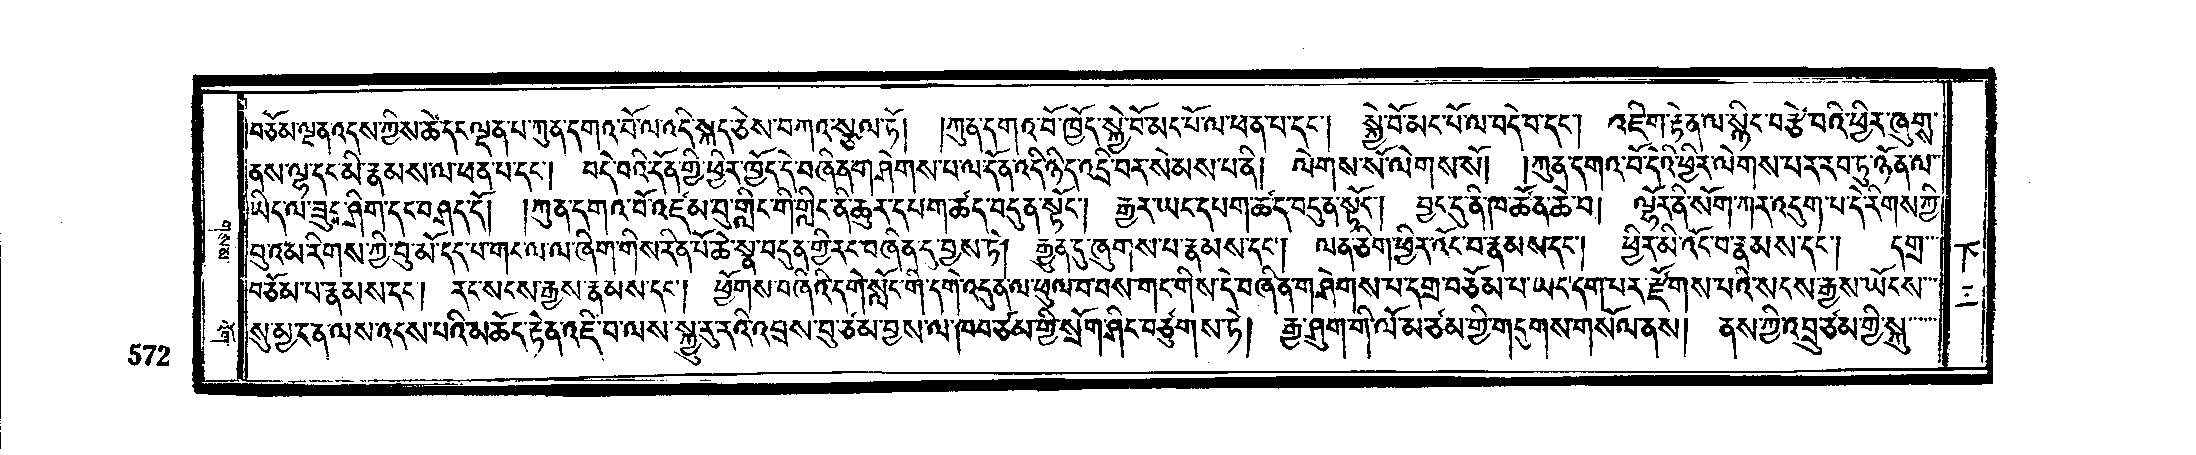བཅོམ་ལྡན་འདས་ཀྱིས་ཚེ་དང་ལྡན་པ་ཀུན་དགའ་བོ་ལ་འདི་སྐད་ཅེས་བཀའ་སྩལ་ཏོ། །ཀུན་དགའ་བོ་ཁྱོད་སྐྱེ་བོ་མང་པོ་ལ་ཕན་པ་དང་། སྐྱེ་བོ་མང་པོ་ལ་བདེ་བ་དང་། འཇིག་རྟེན་ལ་སྙིང་བརྩེ་བའི་ཕྱིར་ཞུགས་
ནས་ལྷ་དང་མི་རྣམས་ལ་ཕན་པ་དང་། བདེ་བའི་དོན་གྱི་ཕྱིར་ཁྱོད་དེ་བཞིན་གཤེགས་པ་ལ་དོན་འདི་ཉིད་འདྲི་བར་སེམས་པ་ནི། ལེགས་སོ་ལེགས་སོ། །ཀུན་དགའ་བོ་དེའི་ཕྱིར་ལེགས་པར་རབ་ཏུ་ཉོན་ལ་
ཡིད་ལ་ཟུངས་ཤིག་དང་བཤད་དོ། །ཀུན་དགའ་བོ་འཛམ་བུ་གླིང་གི་གླིང་ནི་ཆུར་དཔག་ཚད་བདུན་སྟོང་། རྒྱར་ཡང་དཔག་ཚད་བདུན་སྟོང་། བྱང་དུ་ནི་ཁ་ཚོན་ཆེ་བ། ལྷོར་ནི་སོག་ཀར་འདུག་པ་དེ་རིགས་ཀྱི་
བུ་འམ་རིགས་ཀྱི་བུ་མོ་དད་པ་གང་ལ་ལ་ཞིག་གིས་རིན་པོ་ཆེ་སྣ་བདུན་གྱི་རང་བཞིན་དུ་བྱས་ཏེ། རྒྱུན་དུ་ཞུགས་པ་རྣམས་དང་། ལན་ཅིག་ཕྱིར་འོང་བ་རྣམས་དང་། ཕྱིར་མི་འོང་བ་རྣམས་དང་། དགྲ་
བཅོམ་པ་རྣམས་དང་། རང་སངས་རྒྱས་རྣམས་དང་། ཕྱོགས་བཞིའི་དགེ་སློང་གི་དགེ་འདུན་ལ་ཕུལ་བ་བས་གང་གིས་དེ་བཞིན་གཤེགས་པ་དགྲ་བཅོམ་པ་ཡང་དག་པར་རྫོགས་པའི་སངས་རྒྱས་ཡོངས་
སུ་མྱ་ངན་ལས་འདས་པའི་མཆོད་རྟེན་འཇི་བ་ལས་སྐྱུ་རུ་རའི་འབྲས་བུ་ཙམ་བྱས་ལ་ཁབ་ཙམ་གྱི་སྲོག་ཤིང་བཙུགས་ཏེ། རྒྱ་ཤུག་གི་ལོ་མ་ཙམ་གྱི་གདུགས་གསོལ་ནས། ནས་ཀྱི་འབྲུ་ཙམ་གྱི་སྐུ་